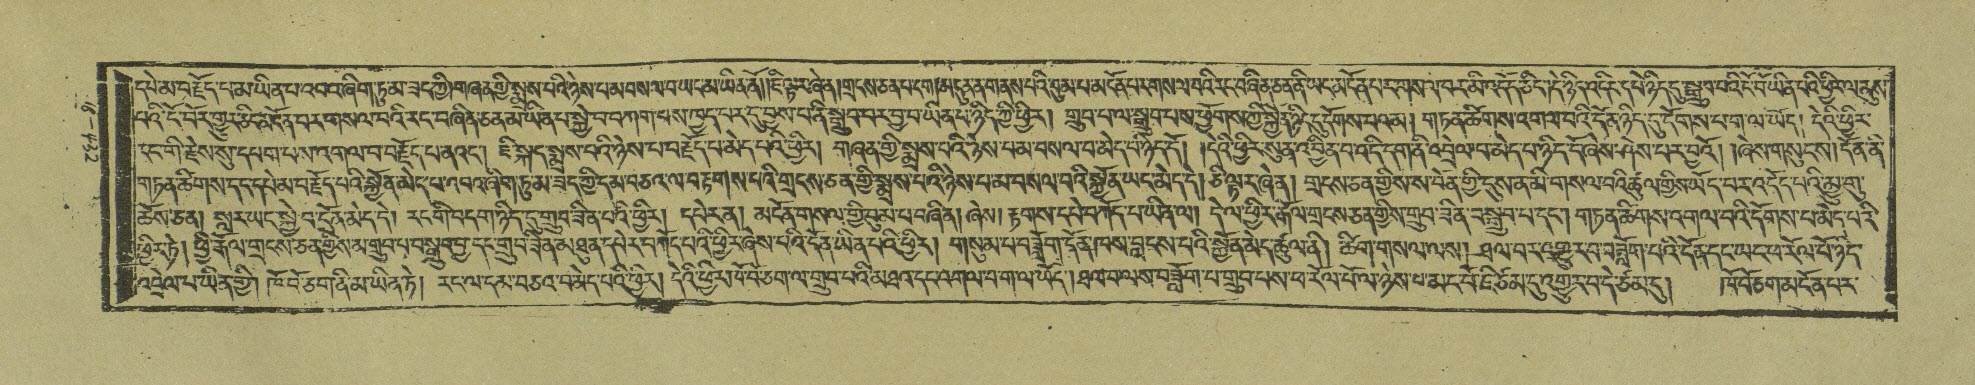དཔེ་མ་བརྗོད་པ་མ་ཡིན་པ་འབབ་ཞིག་ཏུ་མ་ཟད་ཀྱི། གཞན་གྱི་སྨྲས་པའི་ཉེས་པ་མ་བསལ་བ་ཡང་མ་ཡིན་ནོ། །ཇི་ལྟར་ཞེ་ན། གྲངས་ཅན་བདག །མདུན་ན་གནས་པའི་བུམ་པ་མངོན་པར་གསལ་བའི་རང་བཞིན་ཅན་ནི་ཡང་མངོན་པར་གསལ་བར་མི་འདོད་ཅིང་། དེ་ཉིད་འདིར་དཔེ་ཉིད་དུ་སྒྲུབ་པའི་ངོ་བོ་ཡིན་པའི་ཕྱིར་ལ་ནུས་
པའི་ངོ་བོར་གྱུར་ཅིང་མངོན་པར་གསལ་བའི་རང་བཞིན་ཅན་མ་ཡིན་པ་སྐྱེ་བ་བཀག་པས་ཁྱད་པར་དུ་བྱས་པ་ནི་སྒྲུབ་པར་བྱ་བ་ཡིན་པ་ཉིད་ཀྱི་ཕྱིར། གྲུབ་པ་ལ་སྒྲུབ་པས་ཕྱོགས་ཀྱི་སྐྱེན་ཉིད་དུ་དོགས་པའམ། གཏན་ཚིགས་འགལ་བའི་དོན་ཉིད་དུ་དོགས་པ་ག་ལ་ཡོད། དེའི་ཕྱིར་
རང་གི་རྗེས་སུ་དཔག་པས་འགལ་བ་བརྗོད་པ་ནའང་། ཇི་སྐེད་སྨྲས་པའི་ཉེས་པ་བརྗོད་པ་མེད་པའི་ཕྱིར། གཞན་གྱི་སྨྲས་པའི་ཉེས་པ་མ་བསལ་བ་མེད་པ་ཉིད་དོ། །དེའི་ཕྱིར་སུན་འབྱིན་པ་འདི་དག་ནི་འབྲེལ་བ་མེད་པ་ཉིད་དོ་ཞེས་ཤེས་པར་བྱའོ། །ཞེས་གསུངས། དོན་ནི་
གཏན་ཚིགས་དང་དཔེ་མ་བརྗོད་པའི་སྐྱོན་མེད་པ་འབའ་ཞིག་ཏུ་མ་ཟད་ཀྱི་དམ་བཅའ་ལ་བརྟགས་པའི་གྲངས་ཅན་གྱི་སྨྲས་པའི་ཉེས་པ་མ་བསལ་བའི་སྐྱོན་ཡང་མེད་དེ། ཅི་ལྟར་ཞེ་ན། གྲངས་ཅན་གྱིས་ས་བོན་གྱི་དུས་ན་མི་གསལ་བའི་ཚུལ་གྱིས་ཡོད་པར་འདོད་པའི་མྱུ་གུ་
ཆོས་ཅན། སླར་ཡང་སྐྱེ་བ་དོན་མེད་དེ། རང་གི་བདག་ཉིད་དུ་གྲུབ་ཟིན་པའི་ཕྱིར། དཔེར་ན། མངོན་གསལ་གྱི་བུམ་པ་བཞིན། ཞེས། རྟགས་དཔེ་བཀོད་པ་ཡིན་ལ། དེ་ལ་ཕྱིར་རྒོལ་གྲངས་ཅན་གྱིས་གྲུབ་ཟིན་བསྒྲུབ་པ་དང་། གཏན་ཚིགས་འགལ་བའི་དོགས་པ་མེད་པའི་
ཕྱིར་ཏེ། ཕྱི་རྒོལ་གྲངས་ཅན་གྱིས་མ་གྲུབ་པ་བསྒྲུབ་བྱ་དང་གྲུབ་ཟིན་མཐུན་དཔེར་བཀོད་པའི་ཕྱིར་ཞེས་པའི་དོན་ཡིན་པའི་ཕྱིར། གསུམ་པ་བཟློག་དོན་ཁས་བླངས་པའི་སྐྱོན་མེད་ཚུལ་ནི། ཚིག་གསལ་ལས། ཐལ་བར་འགྱུར་བ་བཟློག་པའི་དོན་དང་ཡང་ཕ་རོལ་པོ་ཉིད་
འབྲེལ་བ་ཡིན་གྱི། ཁོ་བོ་ཅག་ནི་མ་ཡིན་ཏེ། རང་ལ་དམ་བཅའ་བ་མེད་པའི་ཕྱིར། དེའི་ཕྱིར་ཁོ་བོ་ཅག་ལ་གྲུབ་པའི་མཐའ་དང་འགལ་བ་ག་ལ་ཡོད། ཐལ་བ་ལས་བཟློག་པ་གྲུབ་པས་ཕ་རོལ་པོ་ལ་ཉེས་པ་མང་པོ་ཇི་ཙམ་དུ་འགྱུར་བ་དེ་ཙམ་དུ། ཁོ་བོ་ཅག་མངོན་པར་